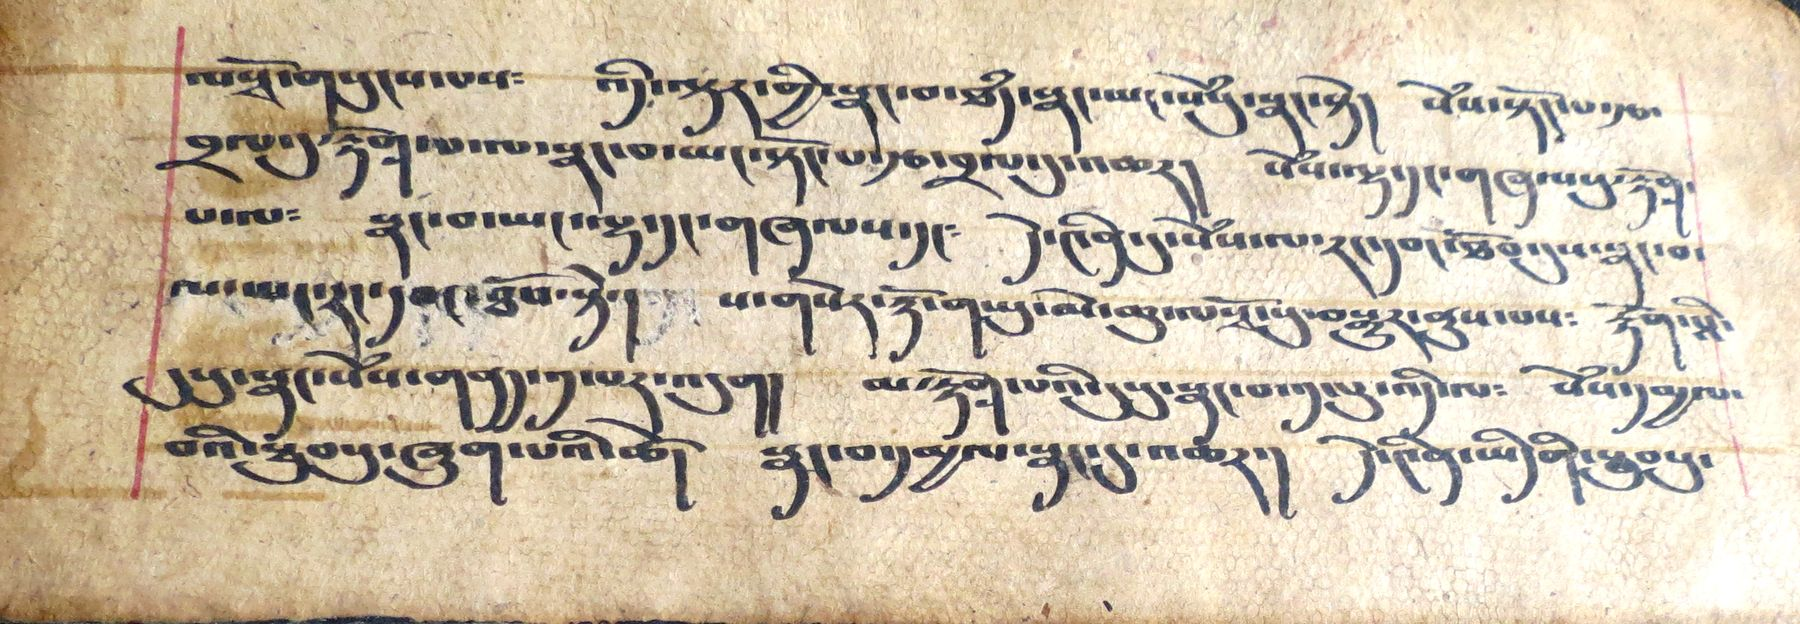ལ་སོགས་གསུངས་པས། འདི་ལྟར་གྱི་སྣང་བ་ཐམས་ཅད་སྣང་ཡང་སེམས་སུ་སྣང་སྟེ། སེམས་སྟོང་པ་
རྩ་བྲལ་དུ་རྟོགས་པ་ལ། སྣང་བ་ཡང་སྟོང་པ་རྩ་བྲལ་དུ་འཆར། སེམས་ལྷ་དང་གཞལ་ཡས་རྟོགས་
པ་ལ་སྣང་བ་ཡང་ལྷ་དང་གཞལ་ཡས་དང་། དེ་བཞིན་དུ་སེམས་ལ་རང་དབང་ཐོབ་དུས་སྣང་བ་
ལ་ཡང་རང་དབང་ཐོབ་སྟེ། ས་གསེར་རྡོ་གཡུ་མེ་ཆུ་ལ་སོགས་སུ་བསྒྱུར་ནུས་པས། རྟོགས་པའི་
དུས་སུ་སྣང་སེམས་གནད་ཅིག་པར་འདུག མ་རྟོགས་པའི་དུས་སུ་སྣང་བ་གཅིག་པུ་འདི་ལ་སེམས་དམྱལ་
བའི་སྦུབས་སུ་ཞུགས་པའི་ཚེ། སྣང་བ་ཡང་དམྱལ་སྣང་དུ་འཆར་ལ། དེ་བཞིན་དུ་ཡི་དྭགས་ཀྱི་སྦུབས་སུ་